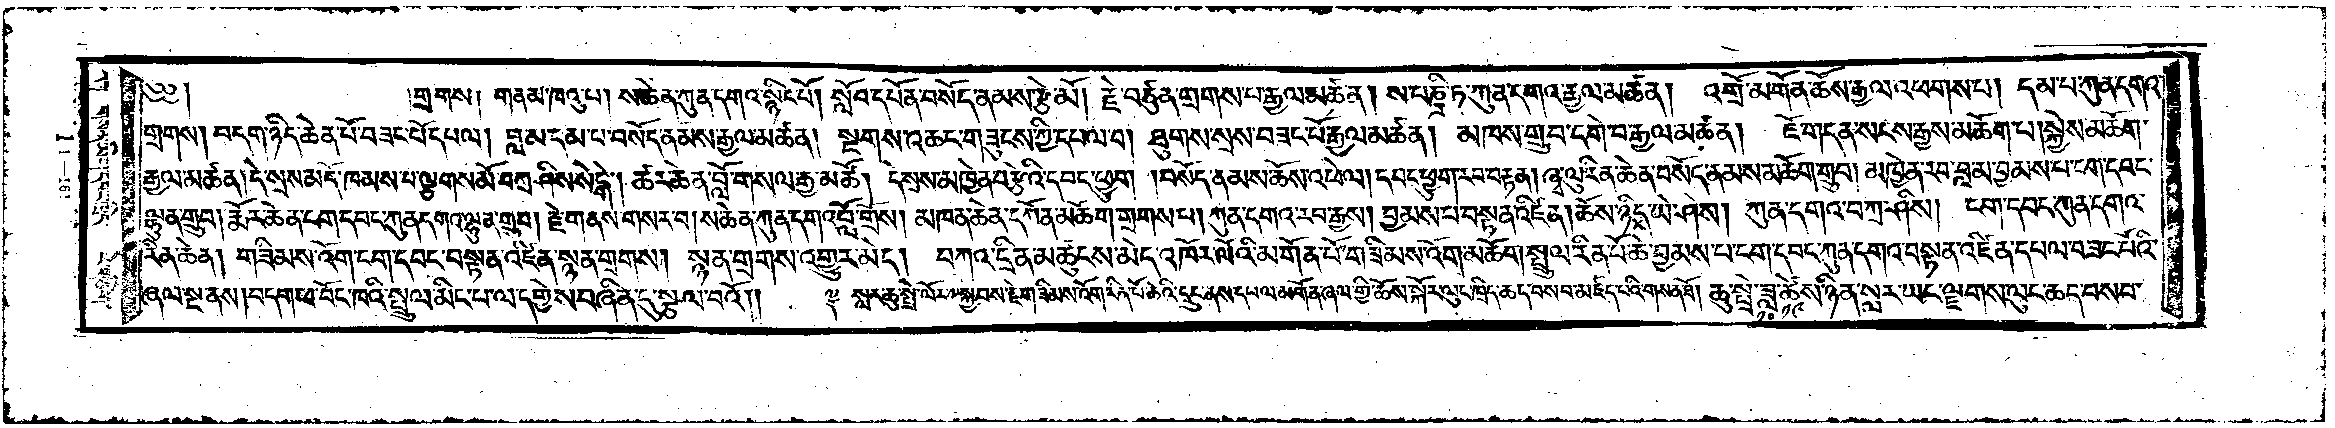༄༅། །གྲགས། གནམ་ཁའུ་པ། ས་ཆེན་ཀུན་དགའ་སྙིང་པོ། སློབ་དཔོན་བསོད་ནམས་རྩེ་མོ། རྗེ་བཙུན་གྲགས་པ་རྒྱལ་མཚན། ས་པཎྜི་ཏ་ཀུན་དགའ་རྒྱལ་མཚན། འགྲོ་མགོན་ཆོས་རྒྱལ་འཕགས་པ། དམ་པ་ཀུན་དགའ་
གྲགས། བདག་ཉིད་ཆེན་པོ་བཟང་པོ་དཔལ། བླ་མ་དམ་པ་བསོད་ནམས་རྒྱལ་མཚན། སྔགས་འཆང་གཟུངས་ཀྱི་དཔལ་བ། ཐུགས་སྲས་བཟང་པོ་རྒྱལ་མཚན། མཁས་གྲུབ་དགེ་བ་རྒྱལ་མཚན། ཇོ་གདན་སངས་རྒྱས་མཆོག་པ། སྐྱེས་མཆོག་
རྒྱལ་མཚན། དེ་སྲས་མདོ་ཁམས་པ་ལྕགས་མོ་བཀྲ་ཤིས་སེངྒེ། ཚར་ཆེན་བློ་གསལ་རྒྱ་མཚོ། དེ་སྲས་མཁྱེན་བརྩེའི་དབང་ཕྱུག །བསོད་ནམས་ཆོས་འཕེལ། དབང་ཕྱུག་རབ་བརྟན། ཞྭ་ལུ་རིན་ཆེན་བསོད་ནམས་མཆོག་གྲུབ། མཁྱེན་རབ་བླ་མ་བྱམས་པ་ངག་དབང་
ལྷུན་གྲུབ། རྨོར་ཆེན་ངག་དབང་ཀུན་དགའ་ལྷུན་གྲུབ། རྗེ་གནས་གསར་བ། ས་ཆེན་ཀུན་དགའ་བློ་གྲོས། མཁན་ཆེན་དཀོན་མཆོག་གྲགས་པ། ཀུན་དགའ་རབ་རྒྱས། བྱམས་པ་བསྟན་འཛིན། ཆོས་ཉིད་ཡེ་ཤེས། ཀུན་དགའ་བཀྲ་ཤིས། ངག་དབང་ཀུན་དགའ་
རིན་ཆེན། གཟིམས་འོག་ངག་དབང་བསྟན་འཛིན་སྙན་གྲགས། སྙན་གྲགས་འགྱུར་མེད། བཀའ་དྲིན་མཚུངས་མེད་འཁོར་ལོའི་མགོན་པོ་གཟིམས་འོག་མཆོག་སྤྲུལ་རིན་པོ་ཆེ་བྱམས་པ་ངག་དབང་ཀུན་དགའ་བསྟན་འཛིན་དཔལ་བཟང་པོའི་
ཞལ་སྔ་ནས། བདག་ཕ་བོང་ཁའི་སྤྲུལ་མིང་པ་ལ་དགྱེས་བཞིན་དུ་སྩལ་བའོ།། ༈ སླར་ཆུ་སྤྲེ་ལོར ༧སྐྱབས་རྗེ་གཟིམས་འོག་རིན་པོ་ཆེའི་དྲུང་ནས་དཔལ་མགོན་ཞལ་གྱི་ཆོས་སྐོར་ལུང་ཁྲིད་ཆད་བས་བ་མཛད་པའི་གསན་ཐོ།  ཆུ་སྤྲེ་ཟླ ༡༡་ཚེས ༡༩་ཉིན་སླར་ཡང་ལྗགས་ལུང་ཆད་བསབ་